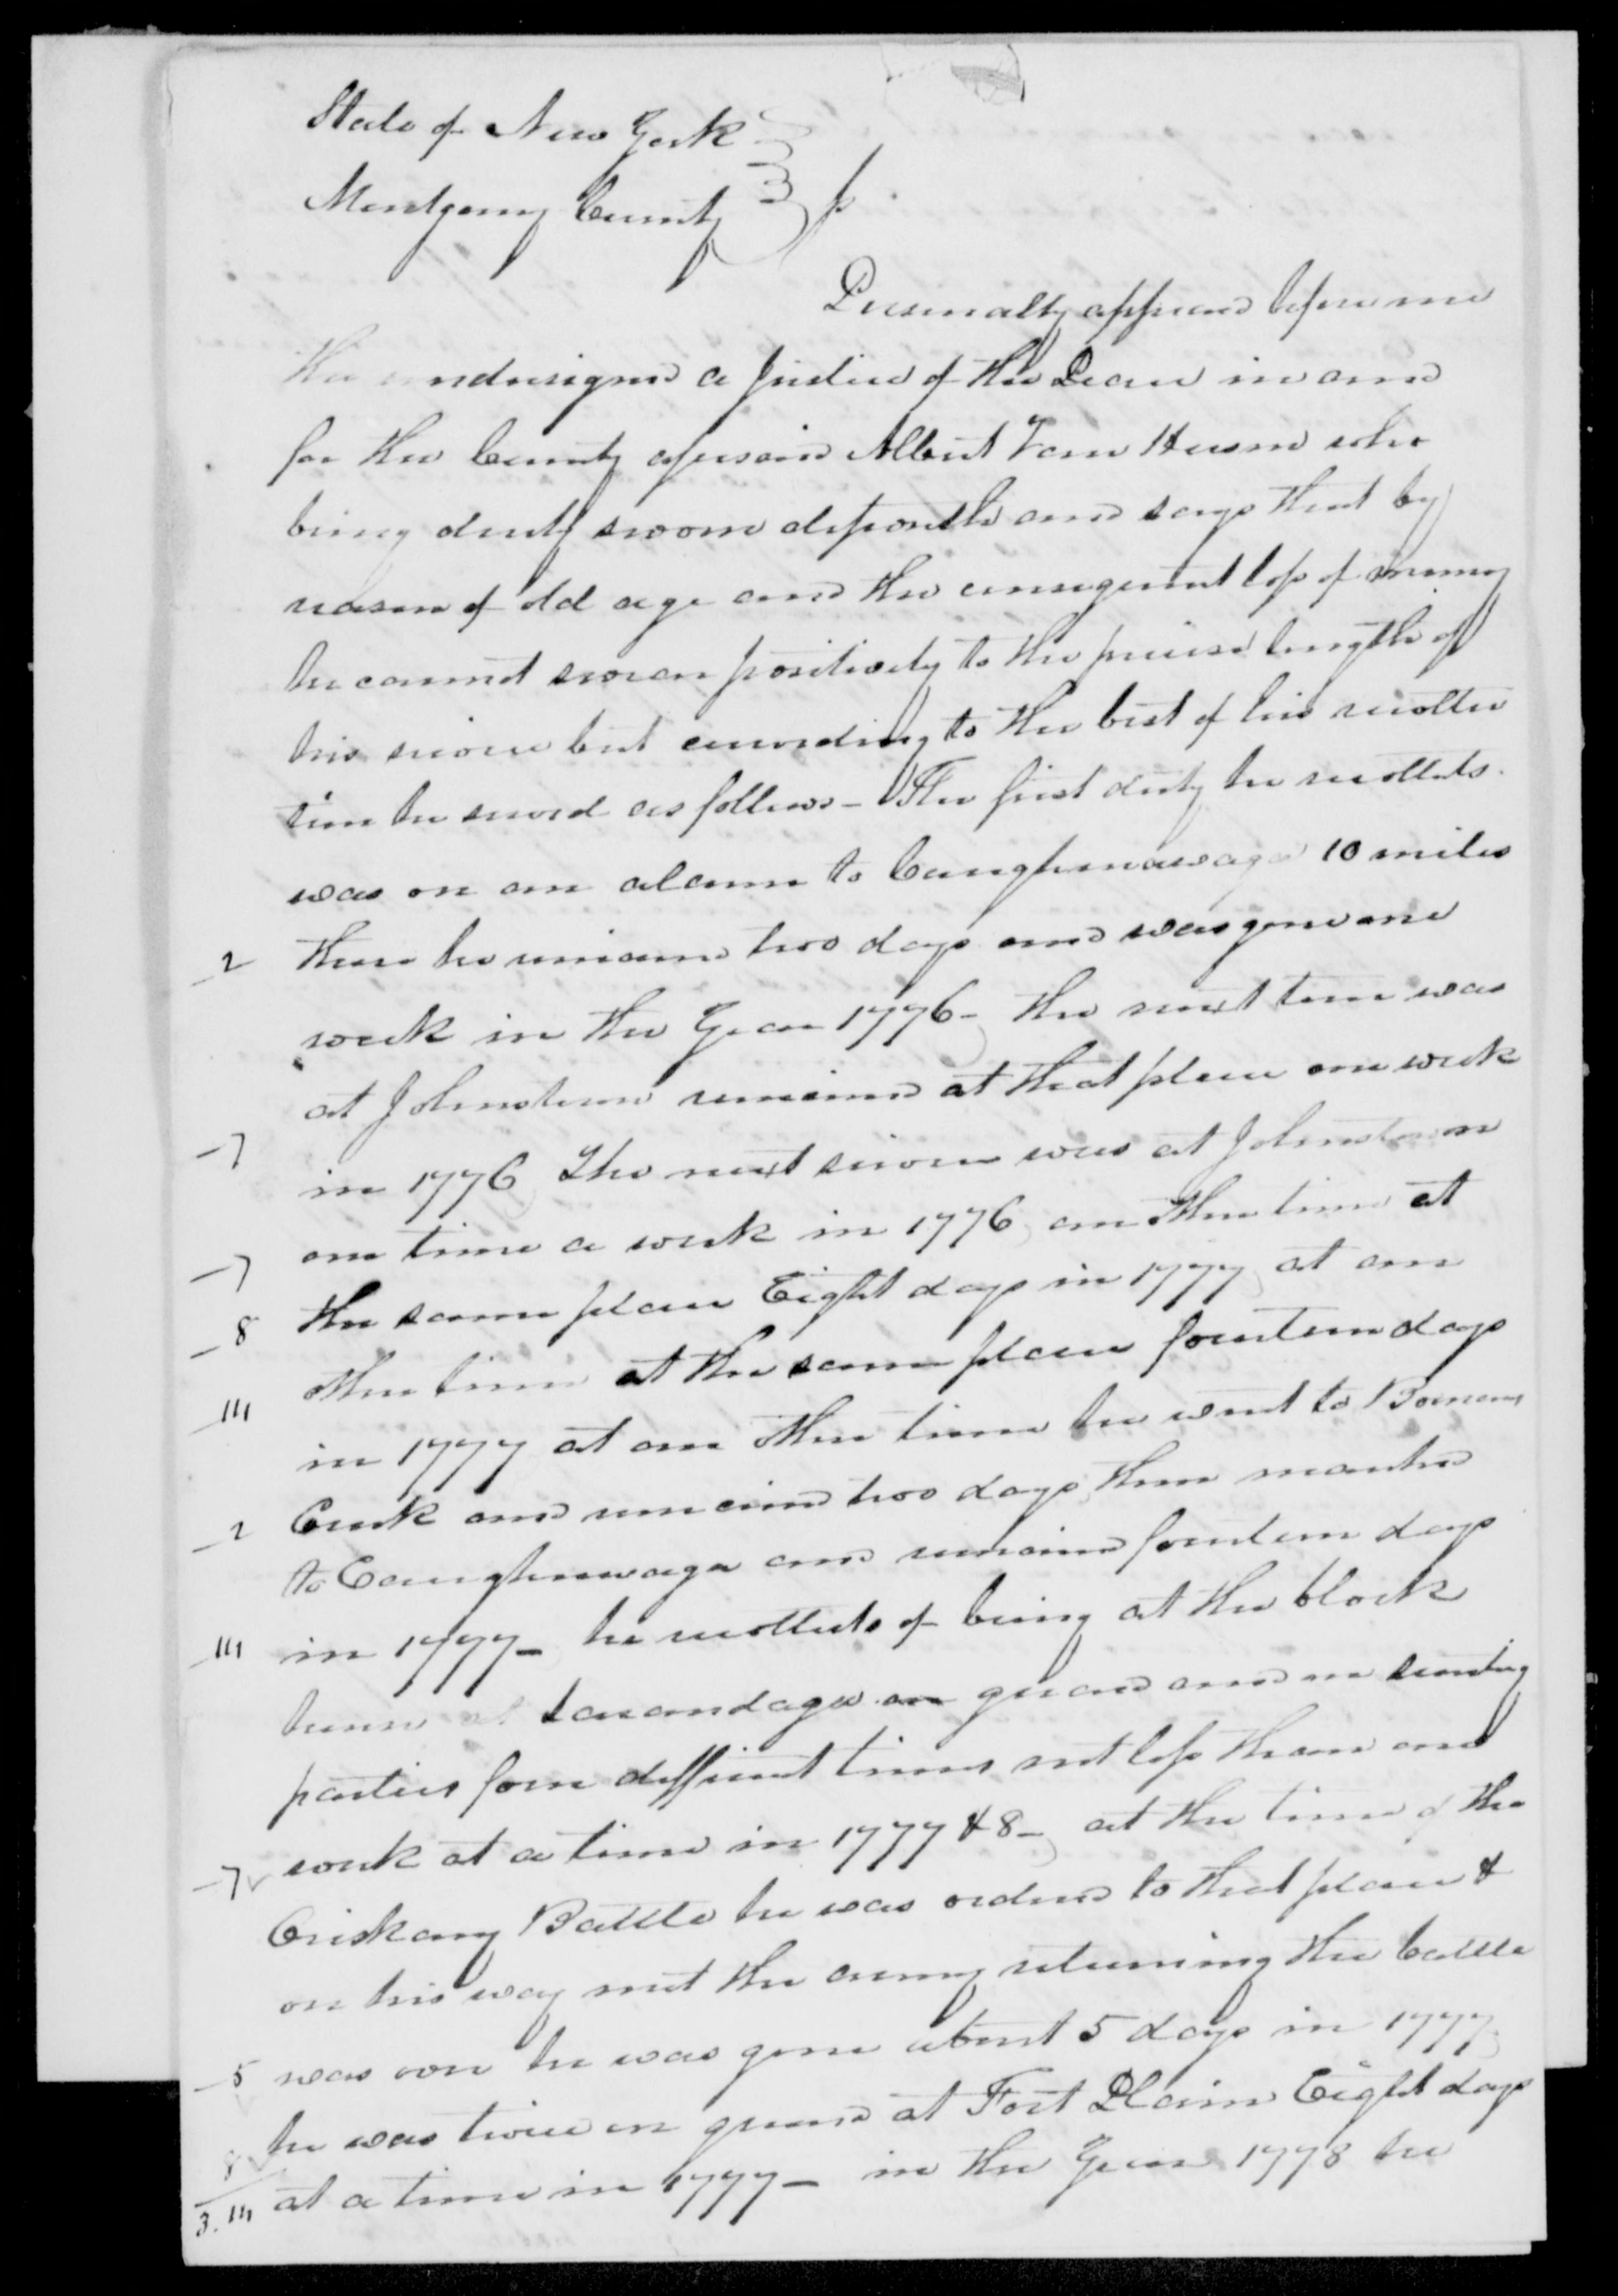State of New York 
Montgomery County } ss.
Personally appeared before me the undersigned a Justice of the Peace in and for the County aforesaid Albert Vam Husen who being duly sworn deposeth and says that by reason of old age and the consequent loss of memory he cannot swear positively to the precise length of his service but according to the best of his recollection he served as follows - The first duty he recollects was on an alarm to Caughnawaga 10 miles then he remained two days and was given one week in the year 1776. the next term was 6 at Johnstown remained at that place one week in 1776. The next service was at Johnstown one time a week in 1776, another time at the same place Eight days in 1777 at some other time at the same place fourteen days in 1777 at an other time he went to Bowmans Creek and remained two days then marched to Caughnawaga and remained fourteen days in 1777 - he recollects of being at the block house at Sacandaga on guard and in scouting parties for different times not less than one week at a time in 1777 & 8 - at the time of the Oriskany Battle he was ordered to the place & on his way met the army returning the battle was over he was gone about 5 days in 1777. he was twice on guard at Fort Plain Eight days at a time in 1777. in the year 1778 he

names: Albert Van Husen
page: 47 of 57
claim: survivor's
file: S. 28,925, Albert Van Housen, New York